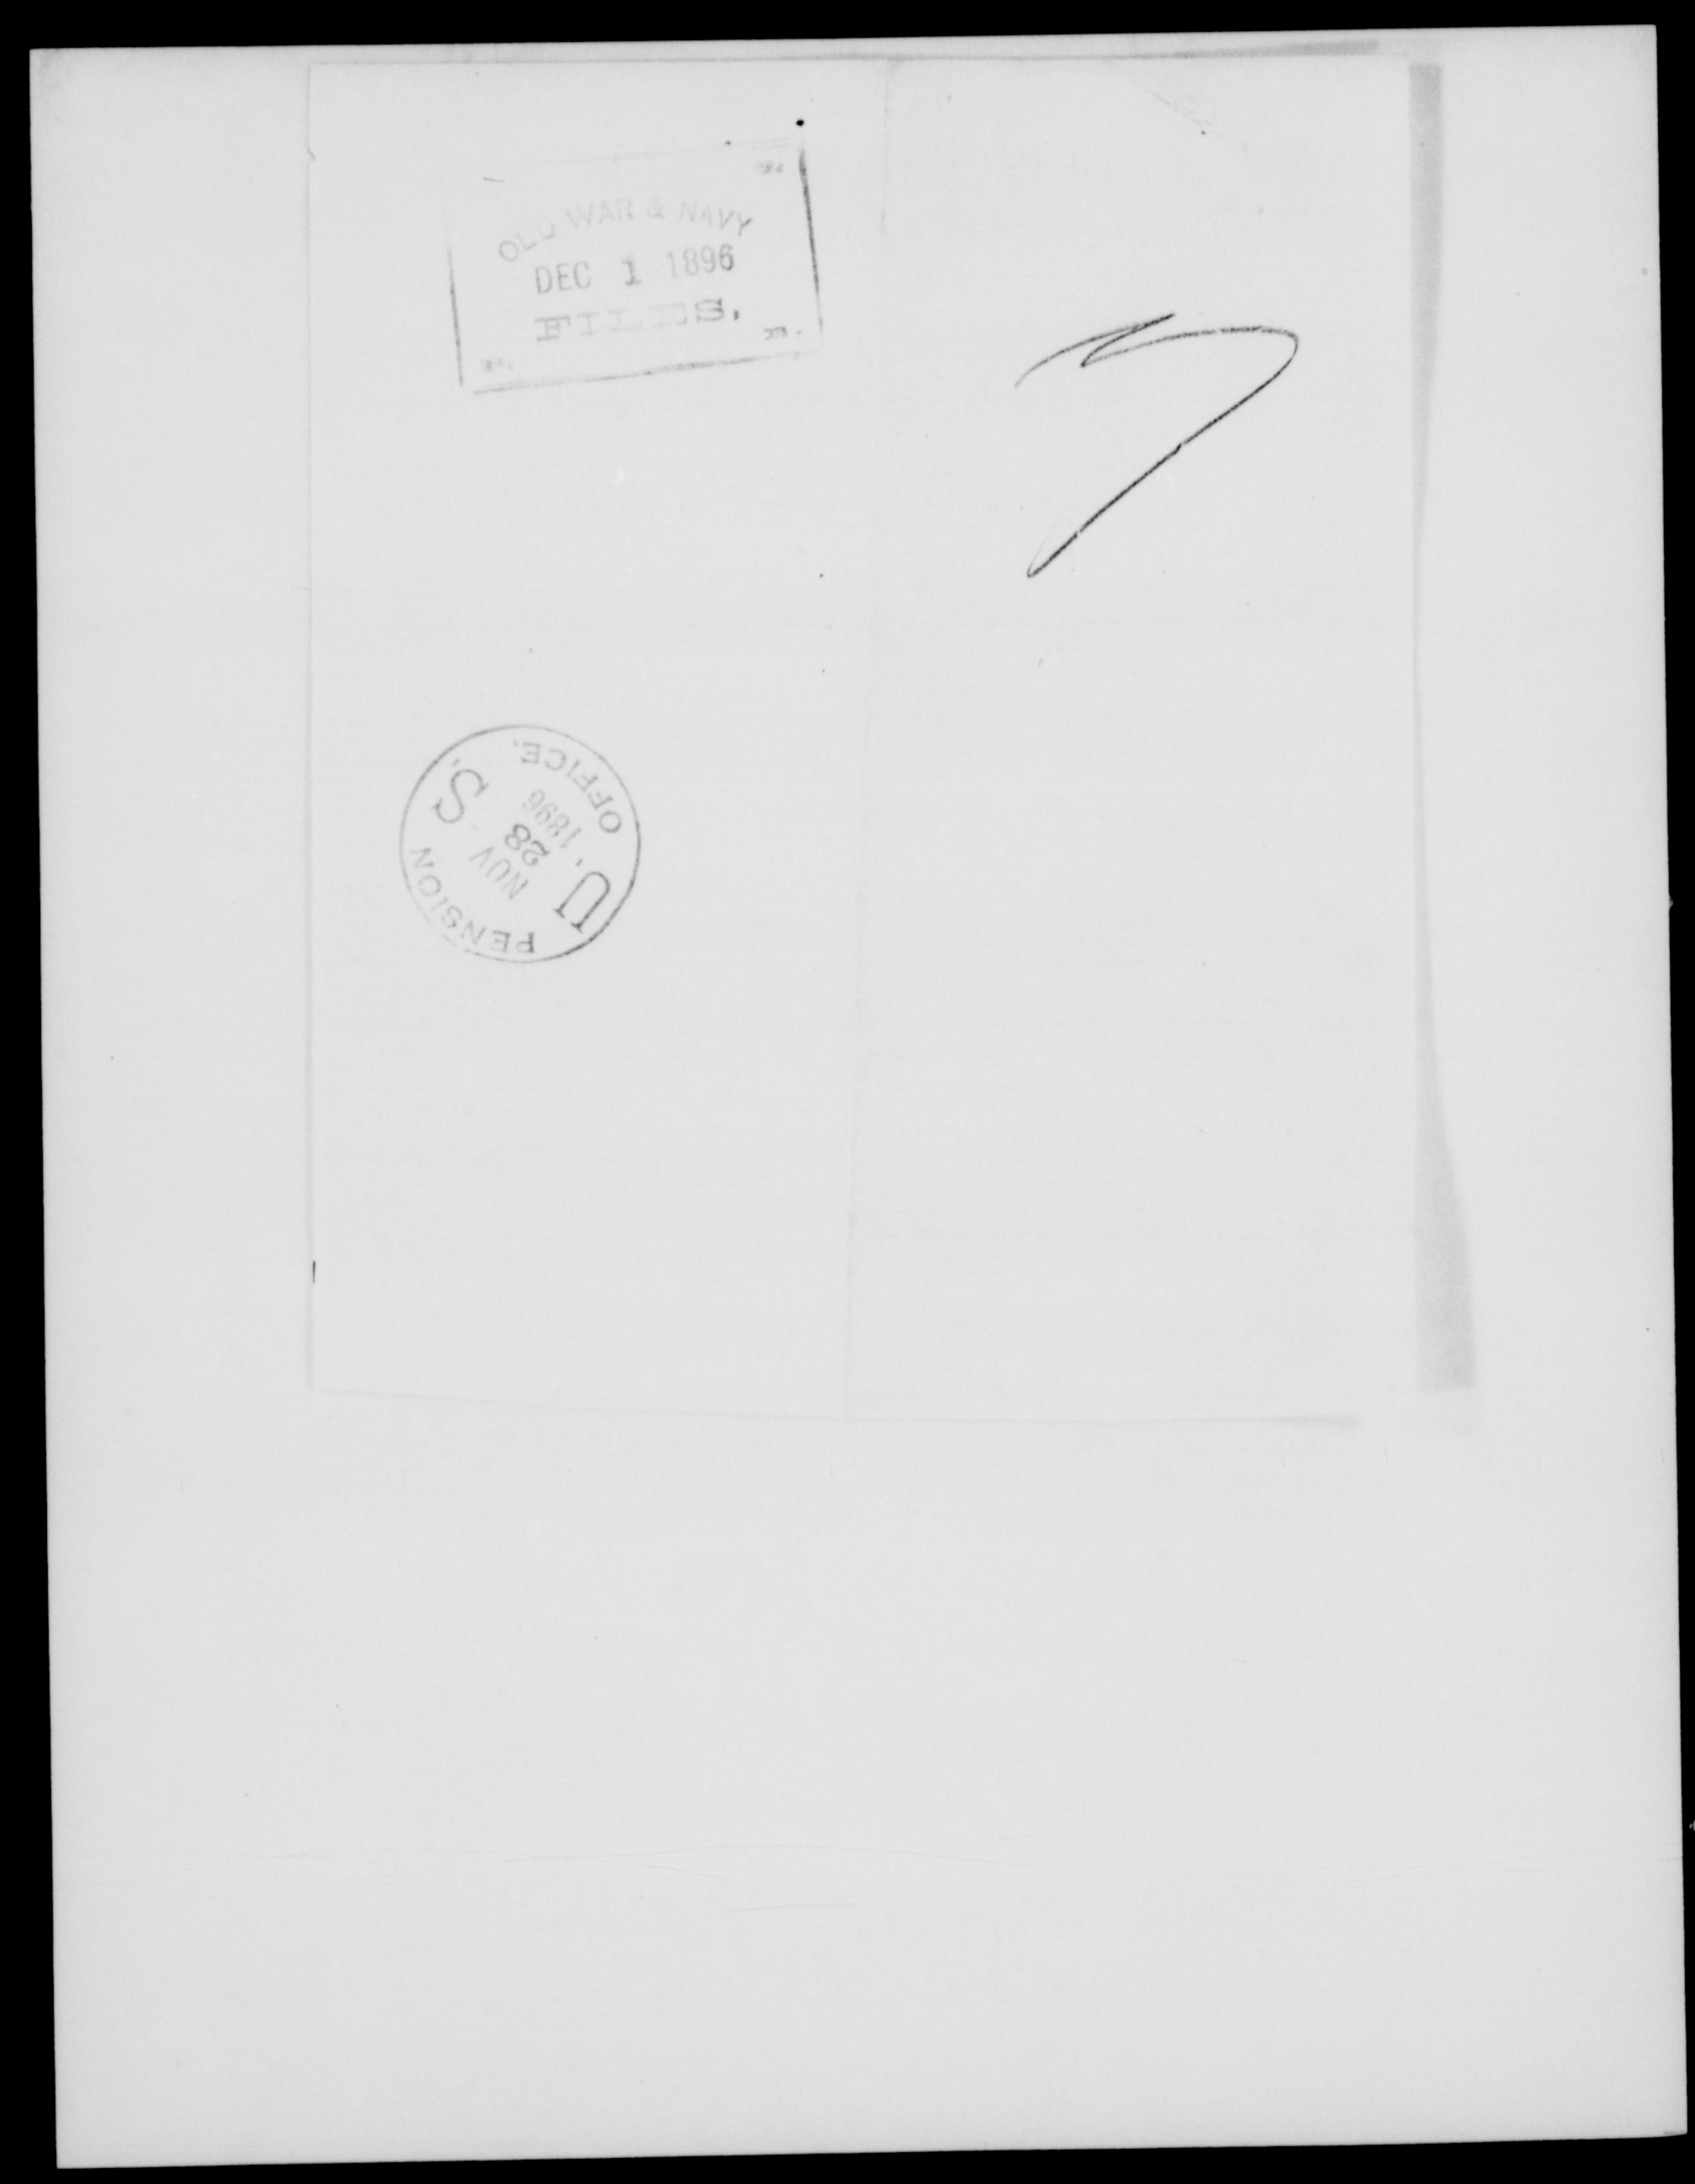[this page is blank except for two stamps]

[1.] OLD WAR & NAVY
         DEC 1 1896
         FILES.

[2.]. U. S. PENSION OFFICE
        NOV 28 1896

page: 52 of 53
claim: widow's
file: W 17707, Benjamin Weaver, R.I.